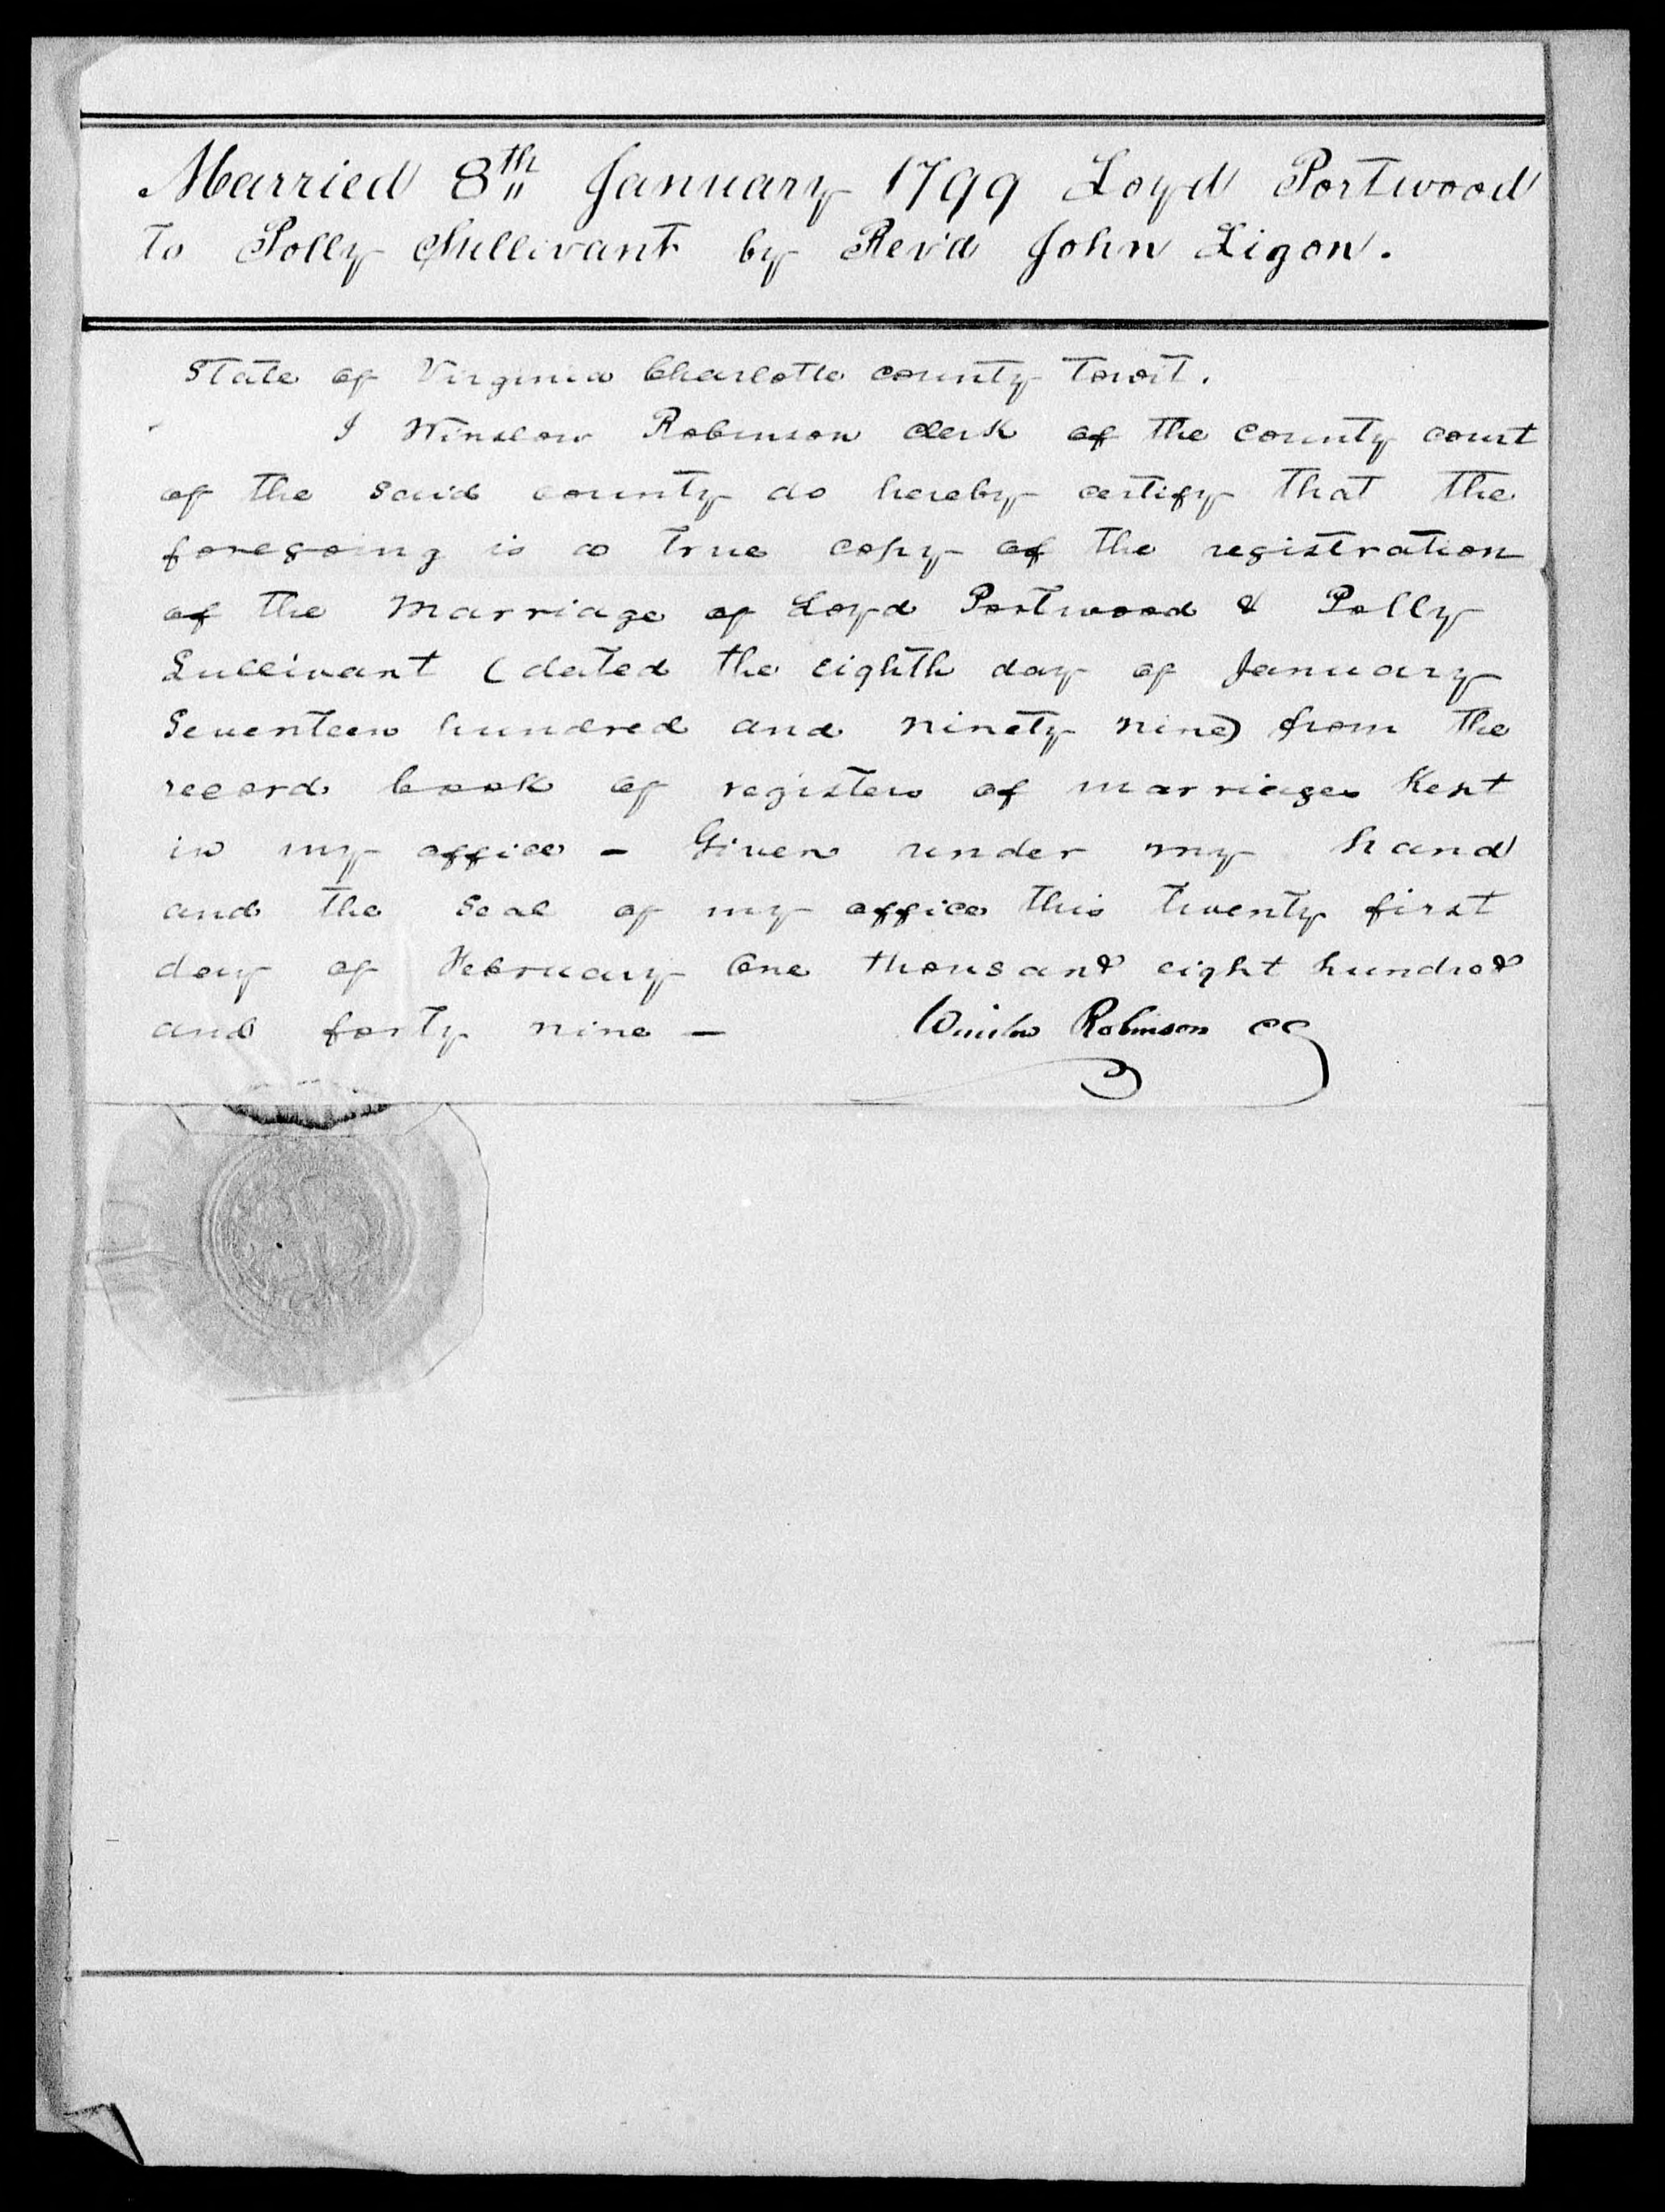Married 8th January 1799 Loyd Portwood
to Polly Sullivant by Rev'd John Ligon.
State of Virginia Charlotte county towit.
I Winslow Robinson clerk of the county court
of the said county do hereby certify that the
foregoing is a true copy of the registration
of the Marriage of Loyd Portwood & Polly
Sullivant (dated the eighth day of January
Seventeen hundred and ninety nine from the
record book of register of marriages kept
in my office - Given under my hand
and the seal of my office this twenty first
day of February one thousand eight hundred
forty nine - Winslow Robinson cc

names: Loyd Portwood; Winslow Robinson; John Ligon; Polly Sullivant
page: 7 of 50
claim: widow's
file: W. 1929, for Lloyd Portwood, Virginia